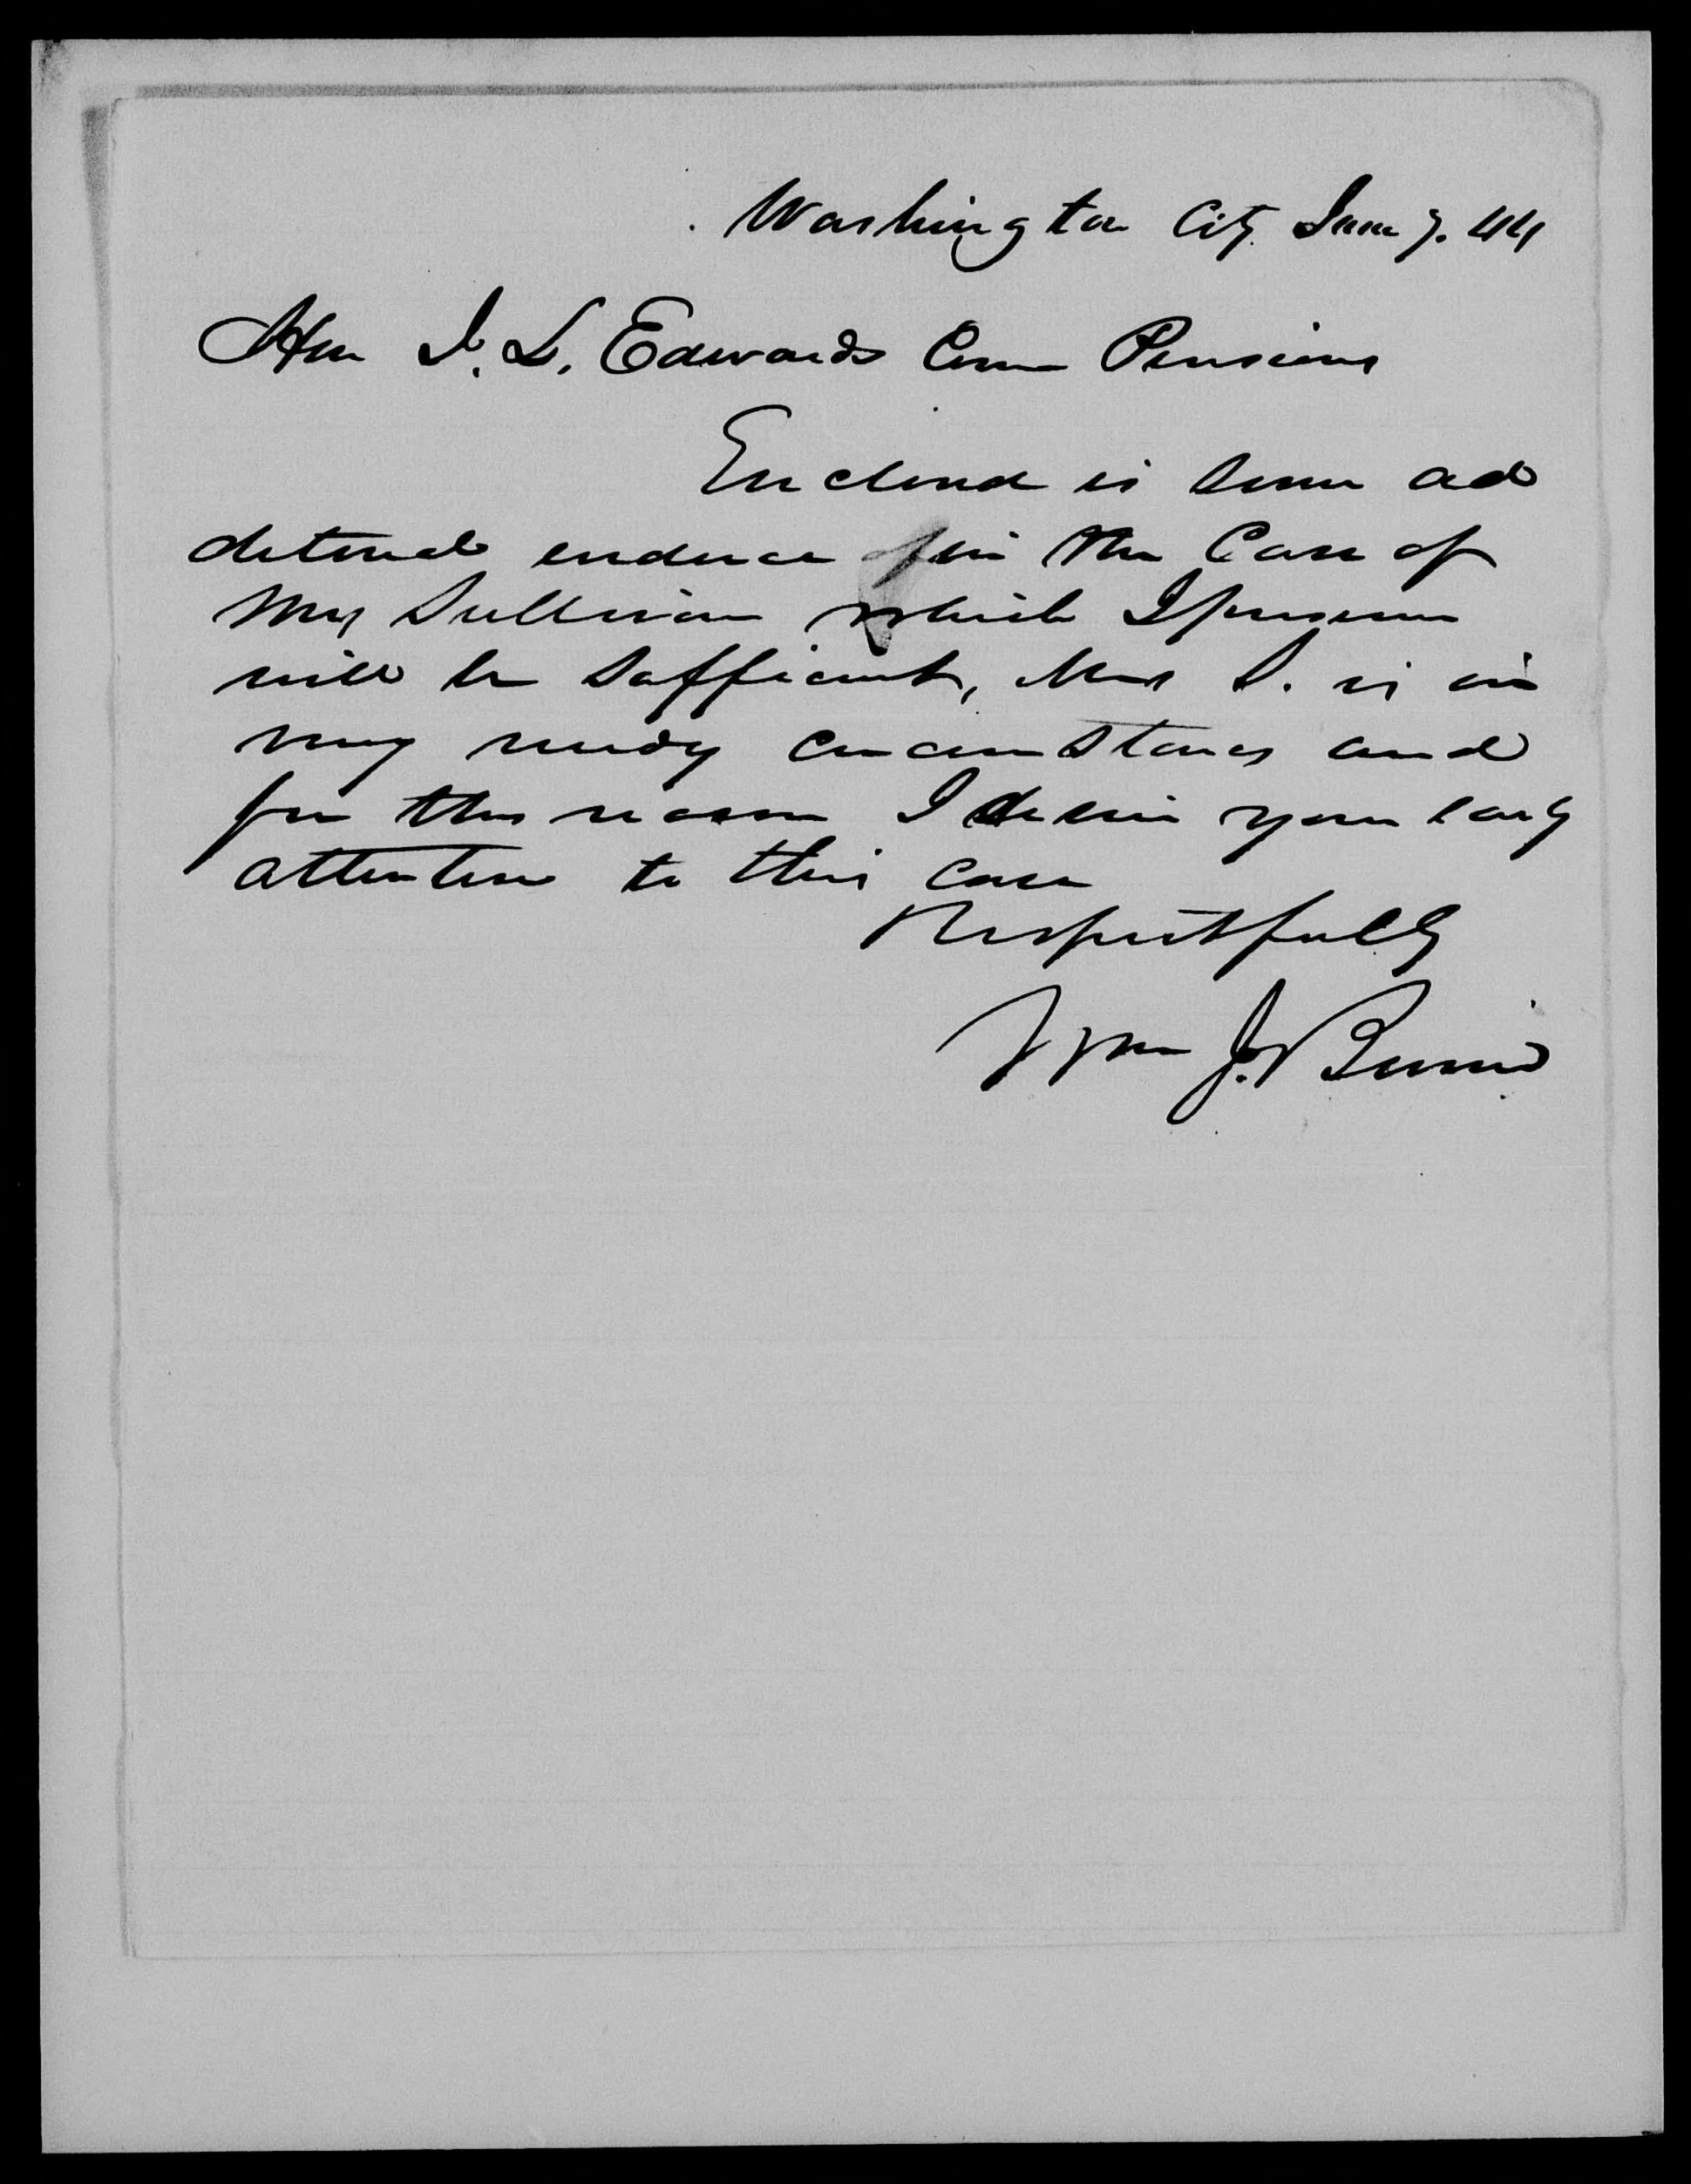Washington City Jan. 7, 44

Hon J.L. Edwards Comr Pensions

Enclosed is sum [some] additional evidence for the case of Mrs Sullivan which I presume will be sufficient, Mrs S. is in very needy circumstances and for this reason I draw your early attention to this case

Respectfully
[signed] Wm J. Bevan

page: 53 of 78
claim: widow's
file: W. 25,169, for Daniel Sullivan, Maryland